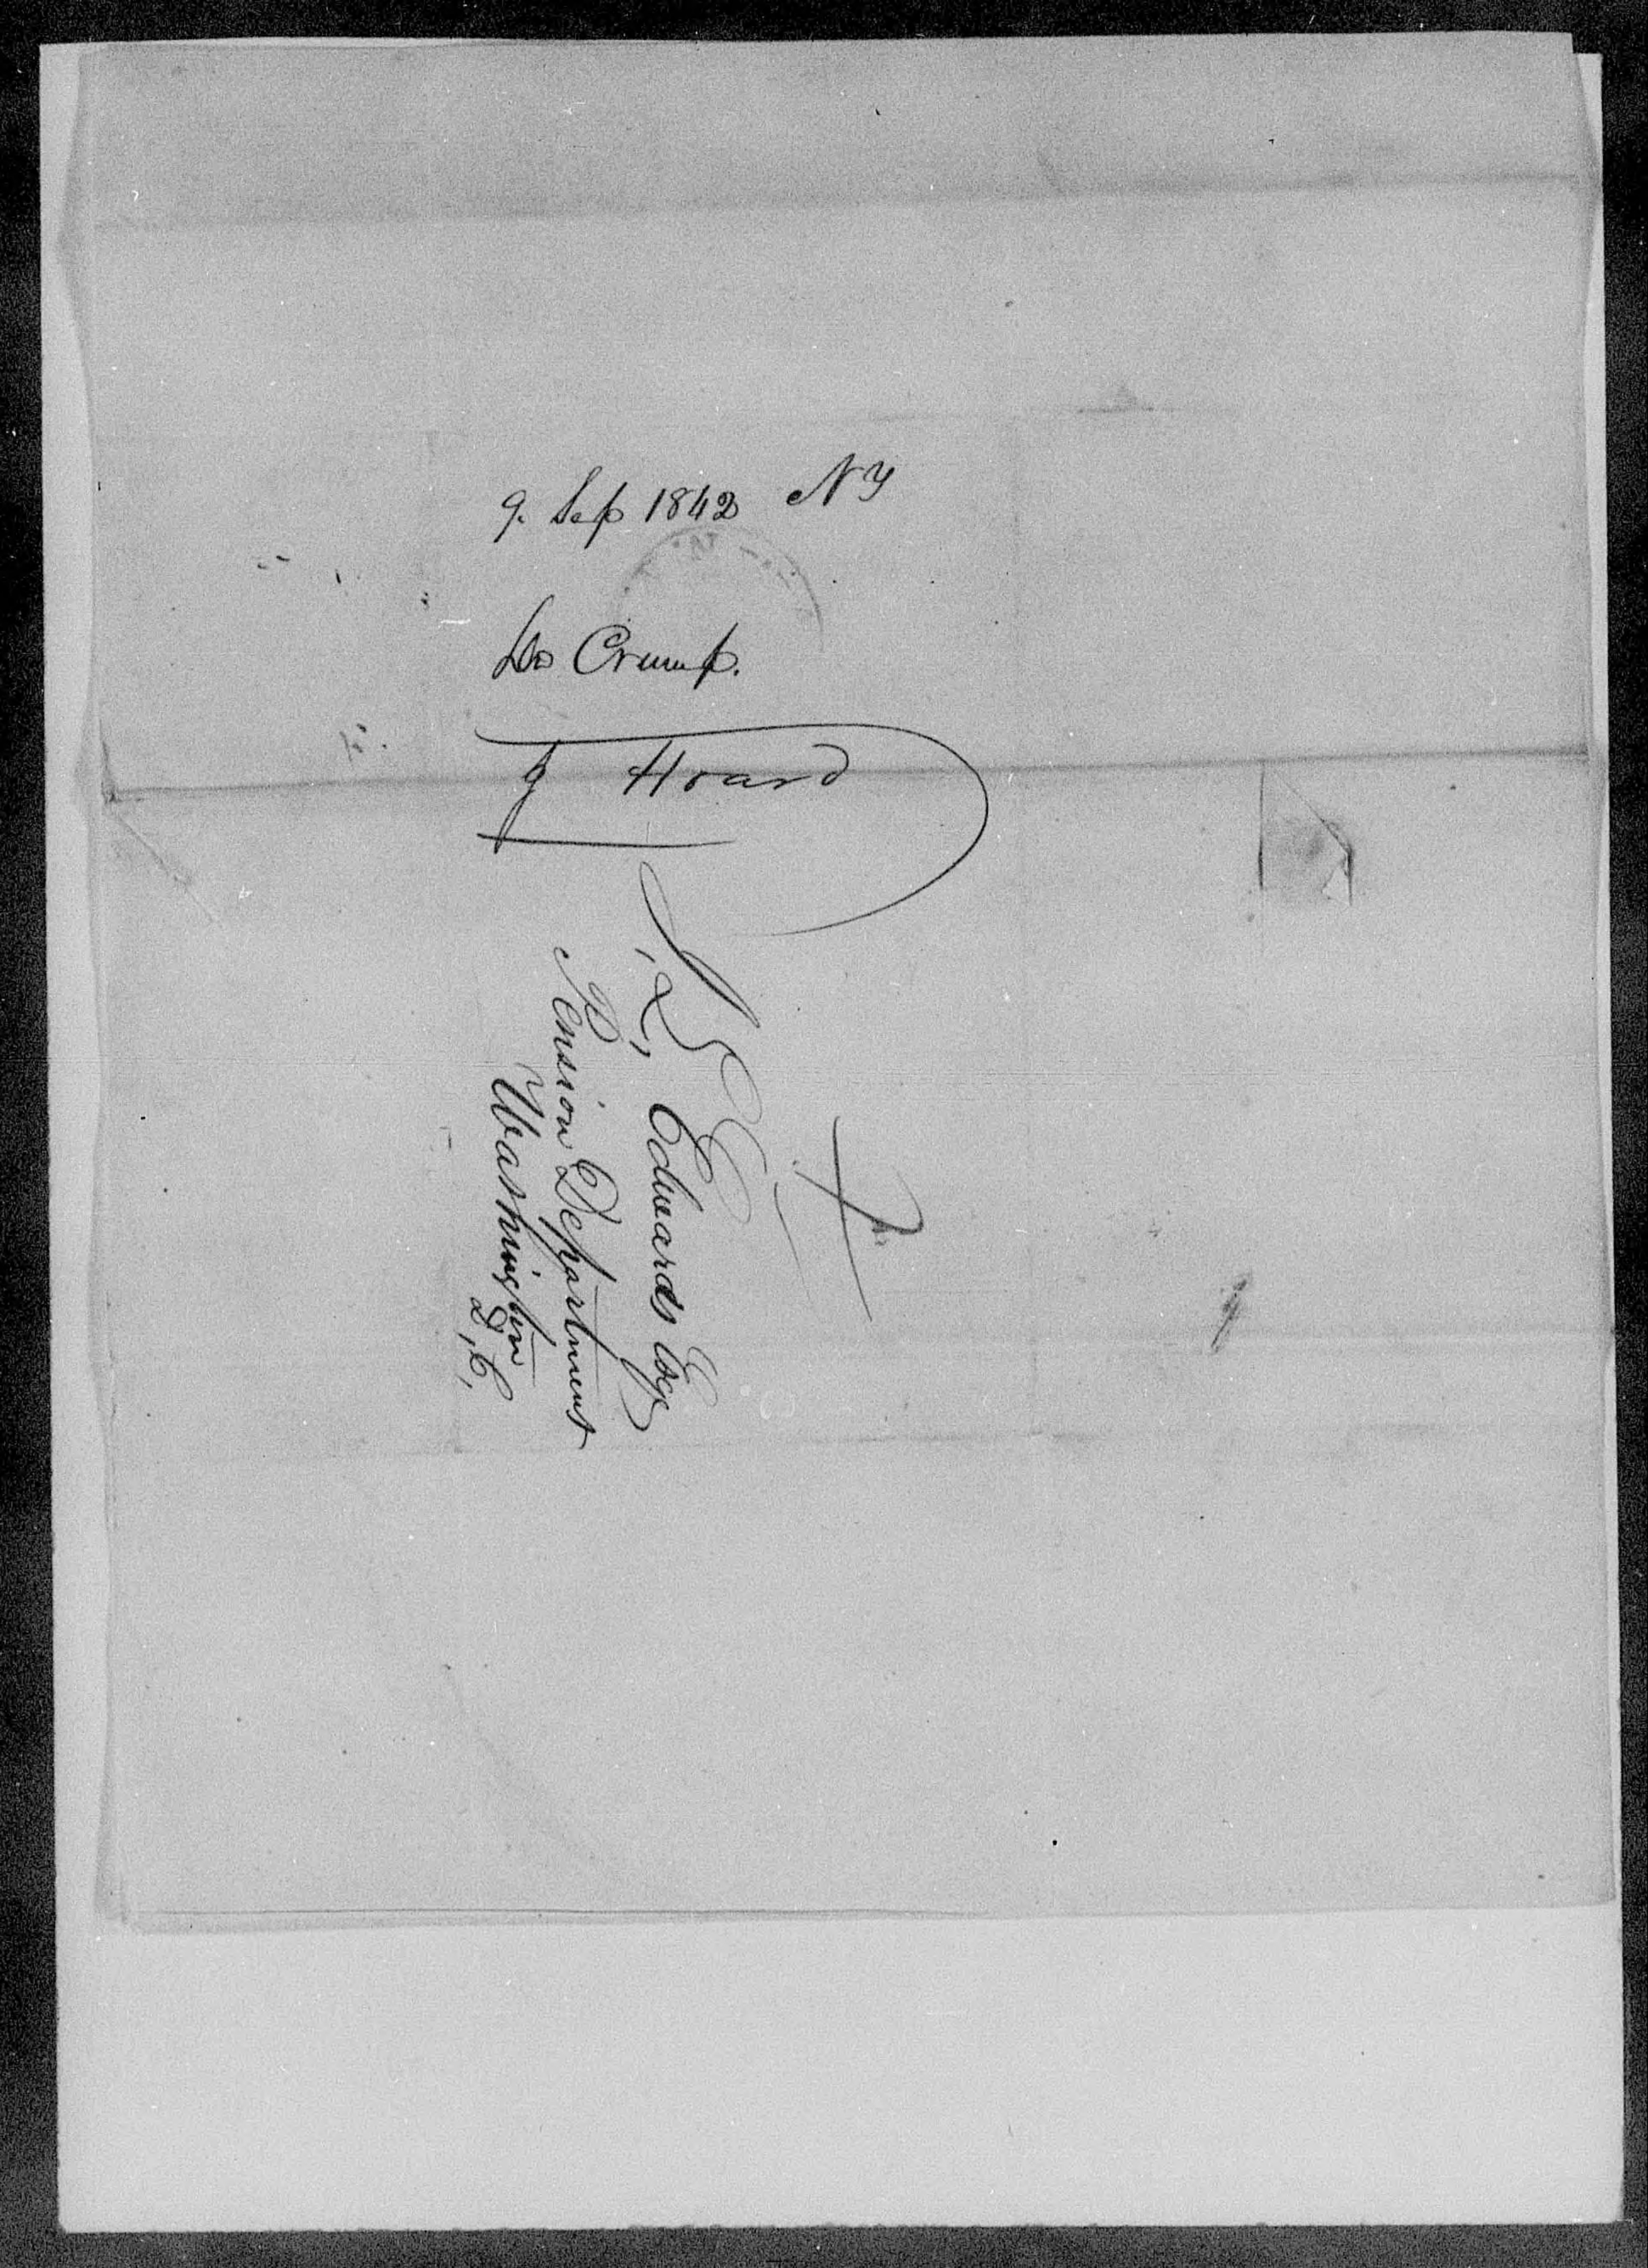9. Sep 1842 NY
Dr. Crump.
J Hoard
[the following is written vertically from top to bottom in the middle of the page]
J. L. Edwards Esq
Pension Department
Washington
D.C.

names: J L Edwards, J Hoard, Crump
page: 26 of 52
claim: widow's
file: W 19755, Jonathan Hoard, Mass.